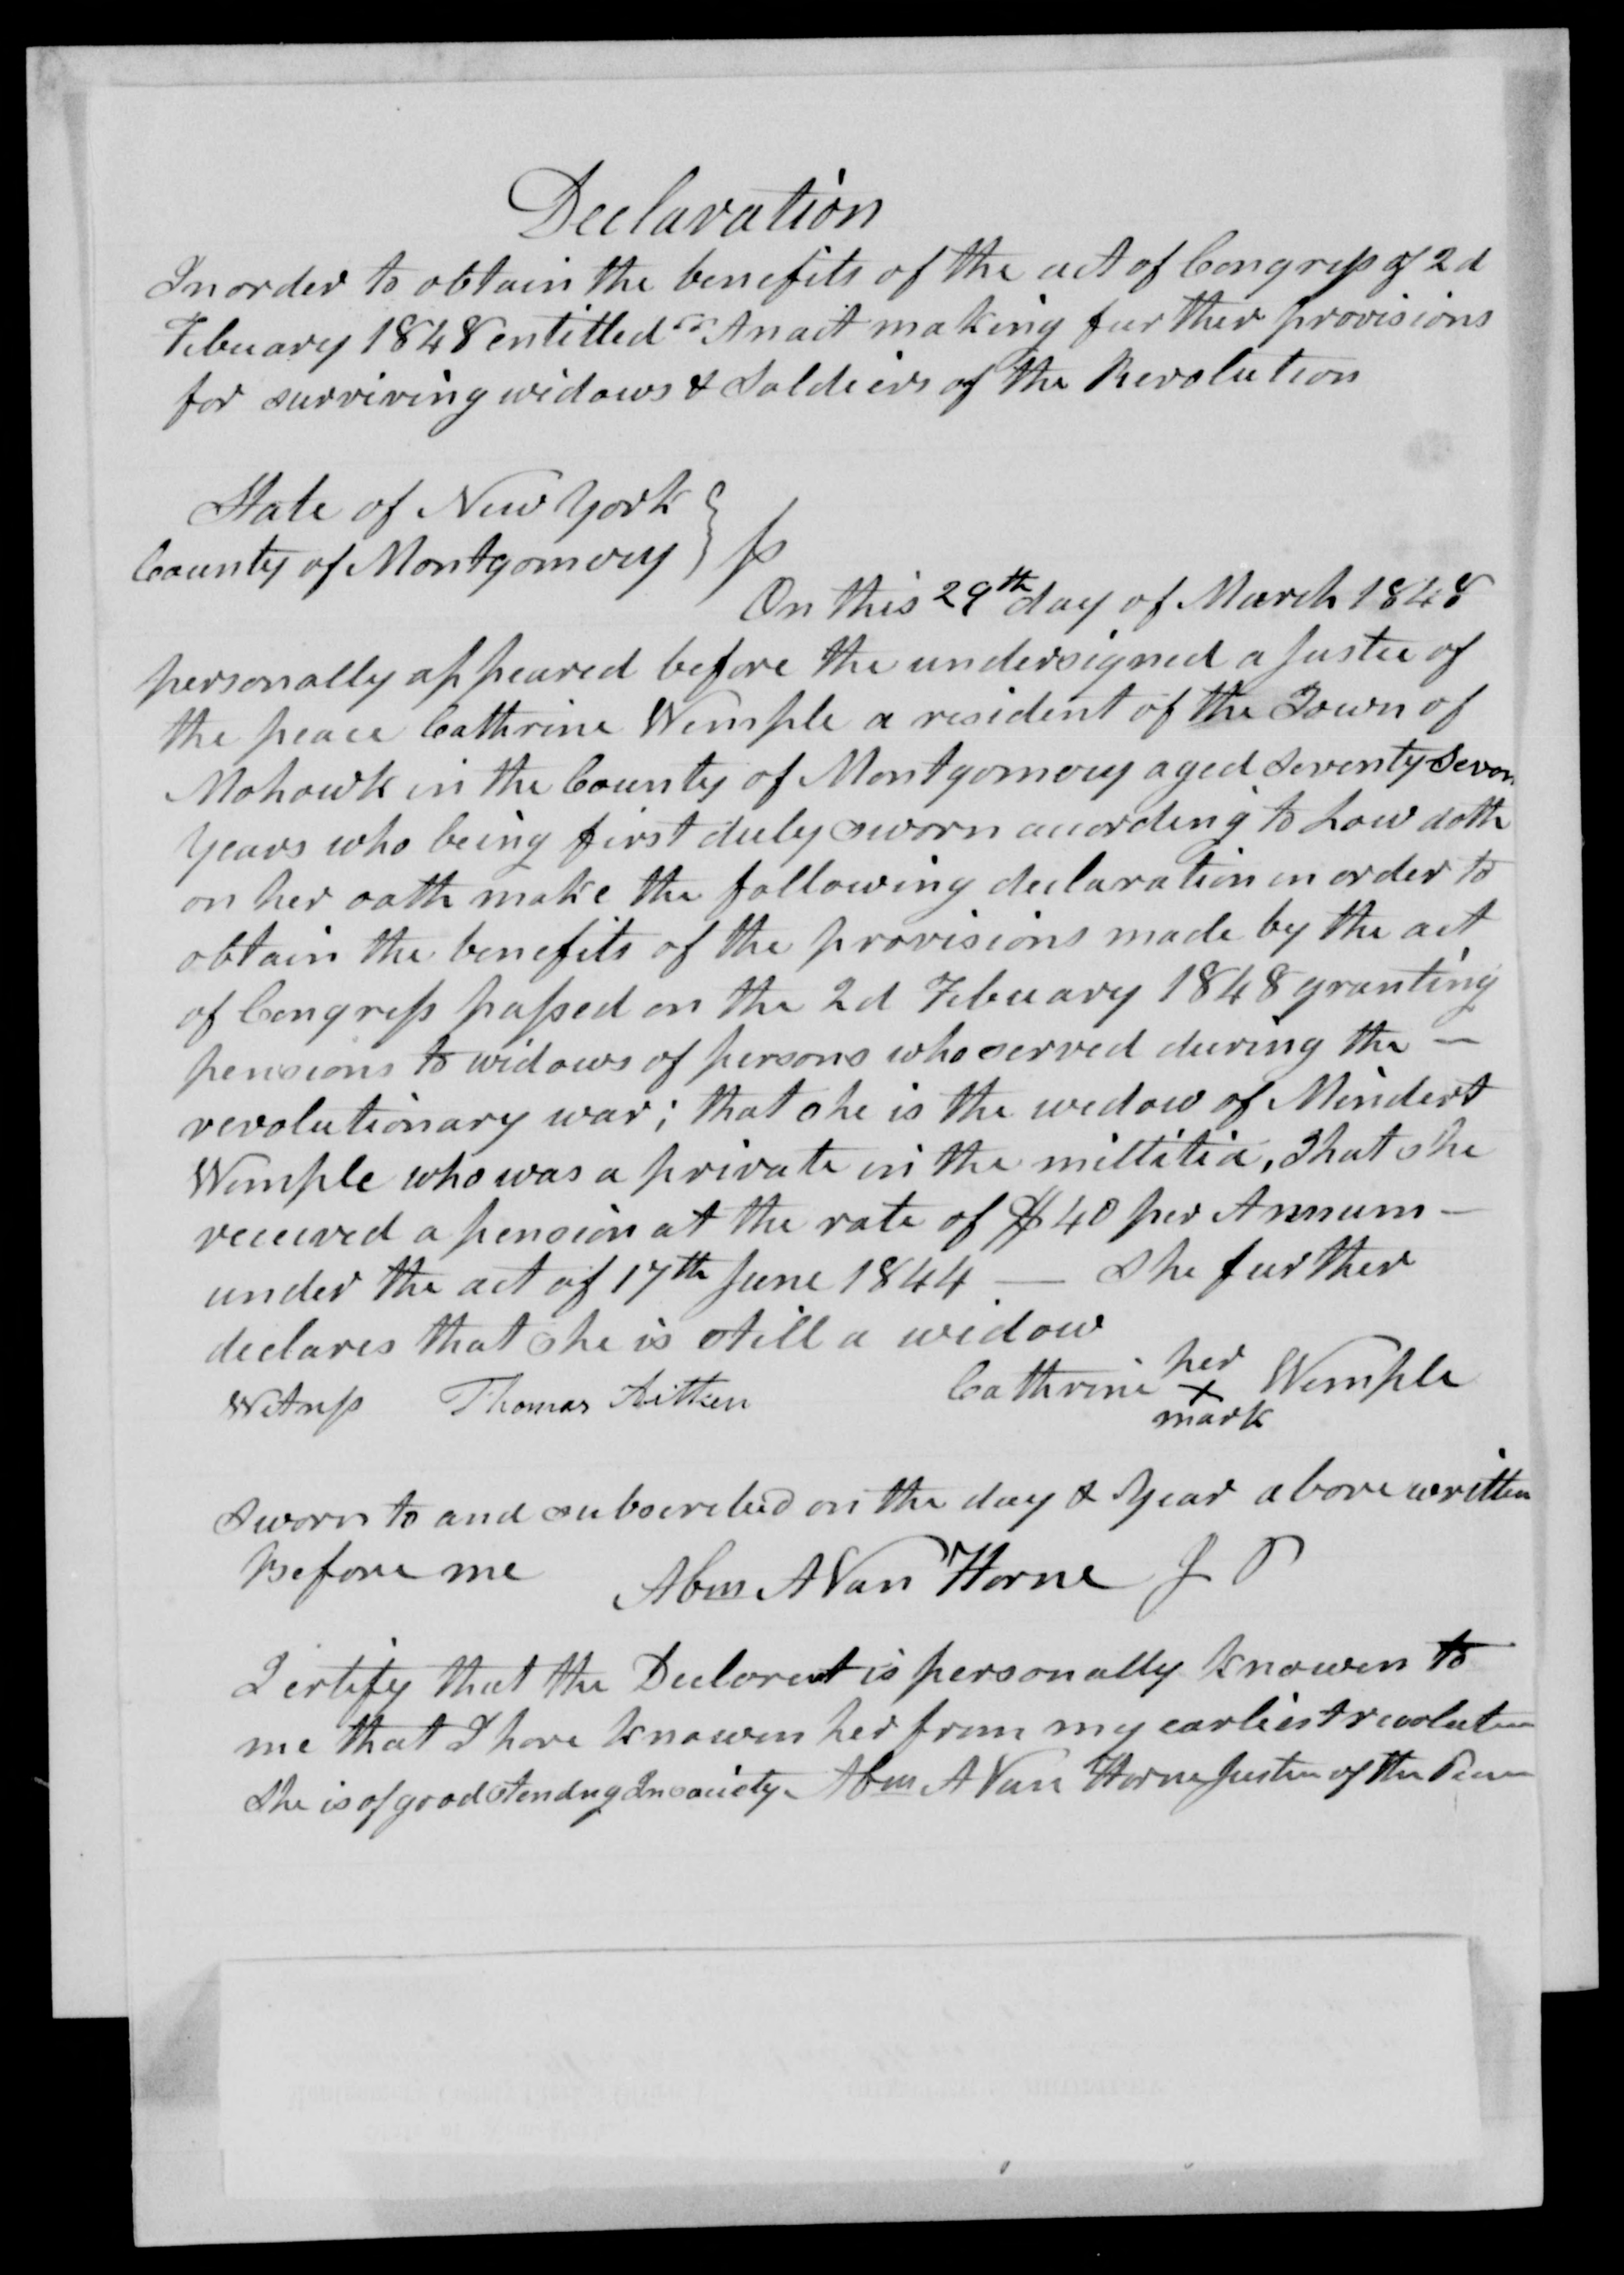Declaration
In order to obtain the benefits of the act of Congress of 2d
Febuary(February) 1848 entitled "An act making further provisions
for surviving widows & Soldiers of the Revolution

State of New York}
County of Montgomery}  ss
On this 29th day of March 1848
personally appeared before the undersigned a Justee(Justice) of
the peace Cathrine Wemple a resident of the Town of
Mohawk in the County of Montgomery aged Seventy Seven
years who being first duly sworn according to Law doth
on her oath make the following declaration in order to
obtain the benefits of the provisions made by the act
of Congress passed on the 2d Febuary(February) 1848 granting
pensions to widows of persons who served during the~
revolutionary war; that she is the widow of Mindert(Myndert)
Wemple who was a private in the miltitia(militia), That she
received a pension at the rate of $40 per Annum-- 
under the act of 17th June 1844-- she further
declares that she is still a widow

Witness  Thomas Aitken
             her 
Cathrine  X    Wemple
             mark
Sworn to and subscribed on the day & year above written
Before me
Abm A Van Horne   J P

I certify that the Declarant is personally known to
me that I have known her from my earliest recollection
she is of good standing In society--Abh A Van Horne Justice of the Peace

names: Mindert Wemple, Thomas Aitken, Cathrine Wemple, Abm A Van Horne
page: 20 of 51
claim: widow's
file: W. 19604, Myndert B Wemple, New York